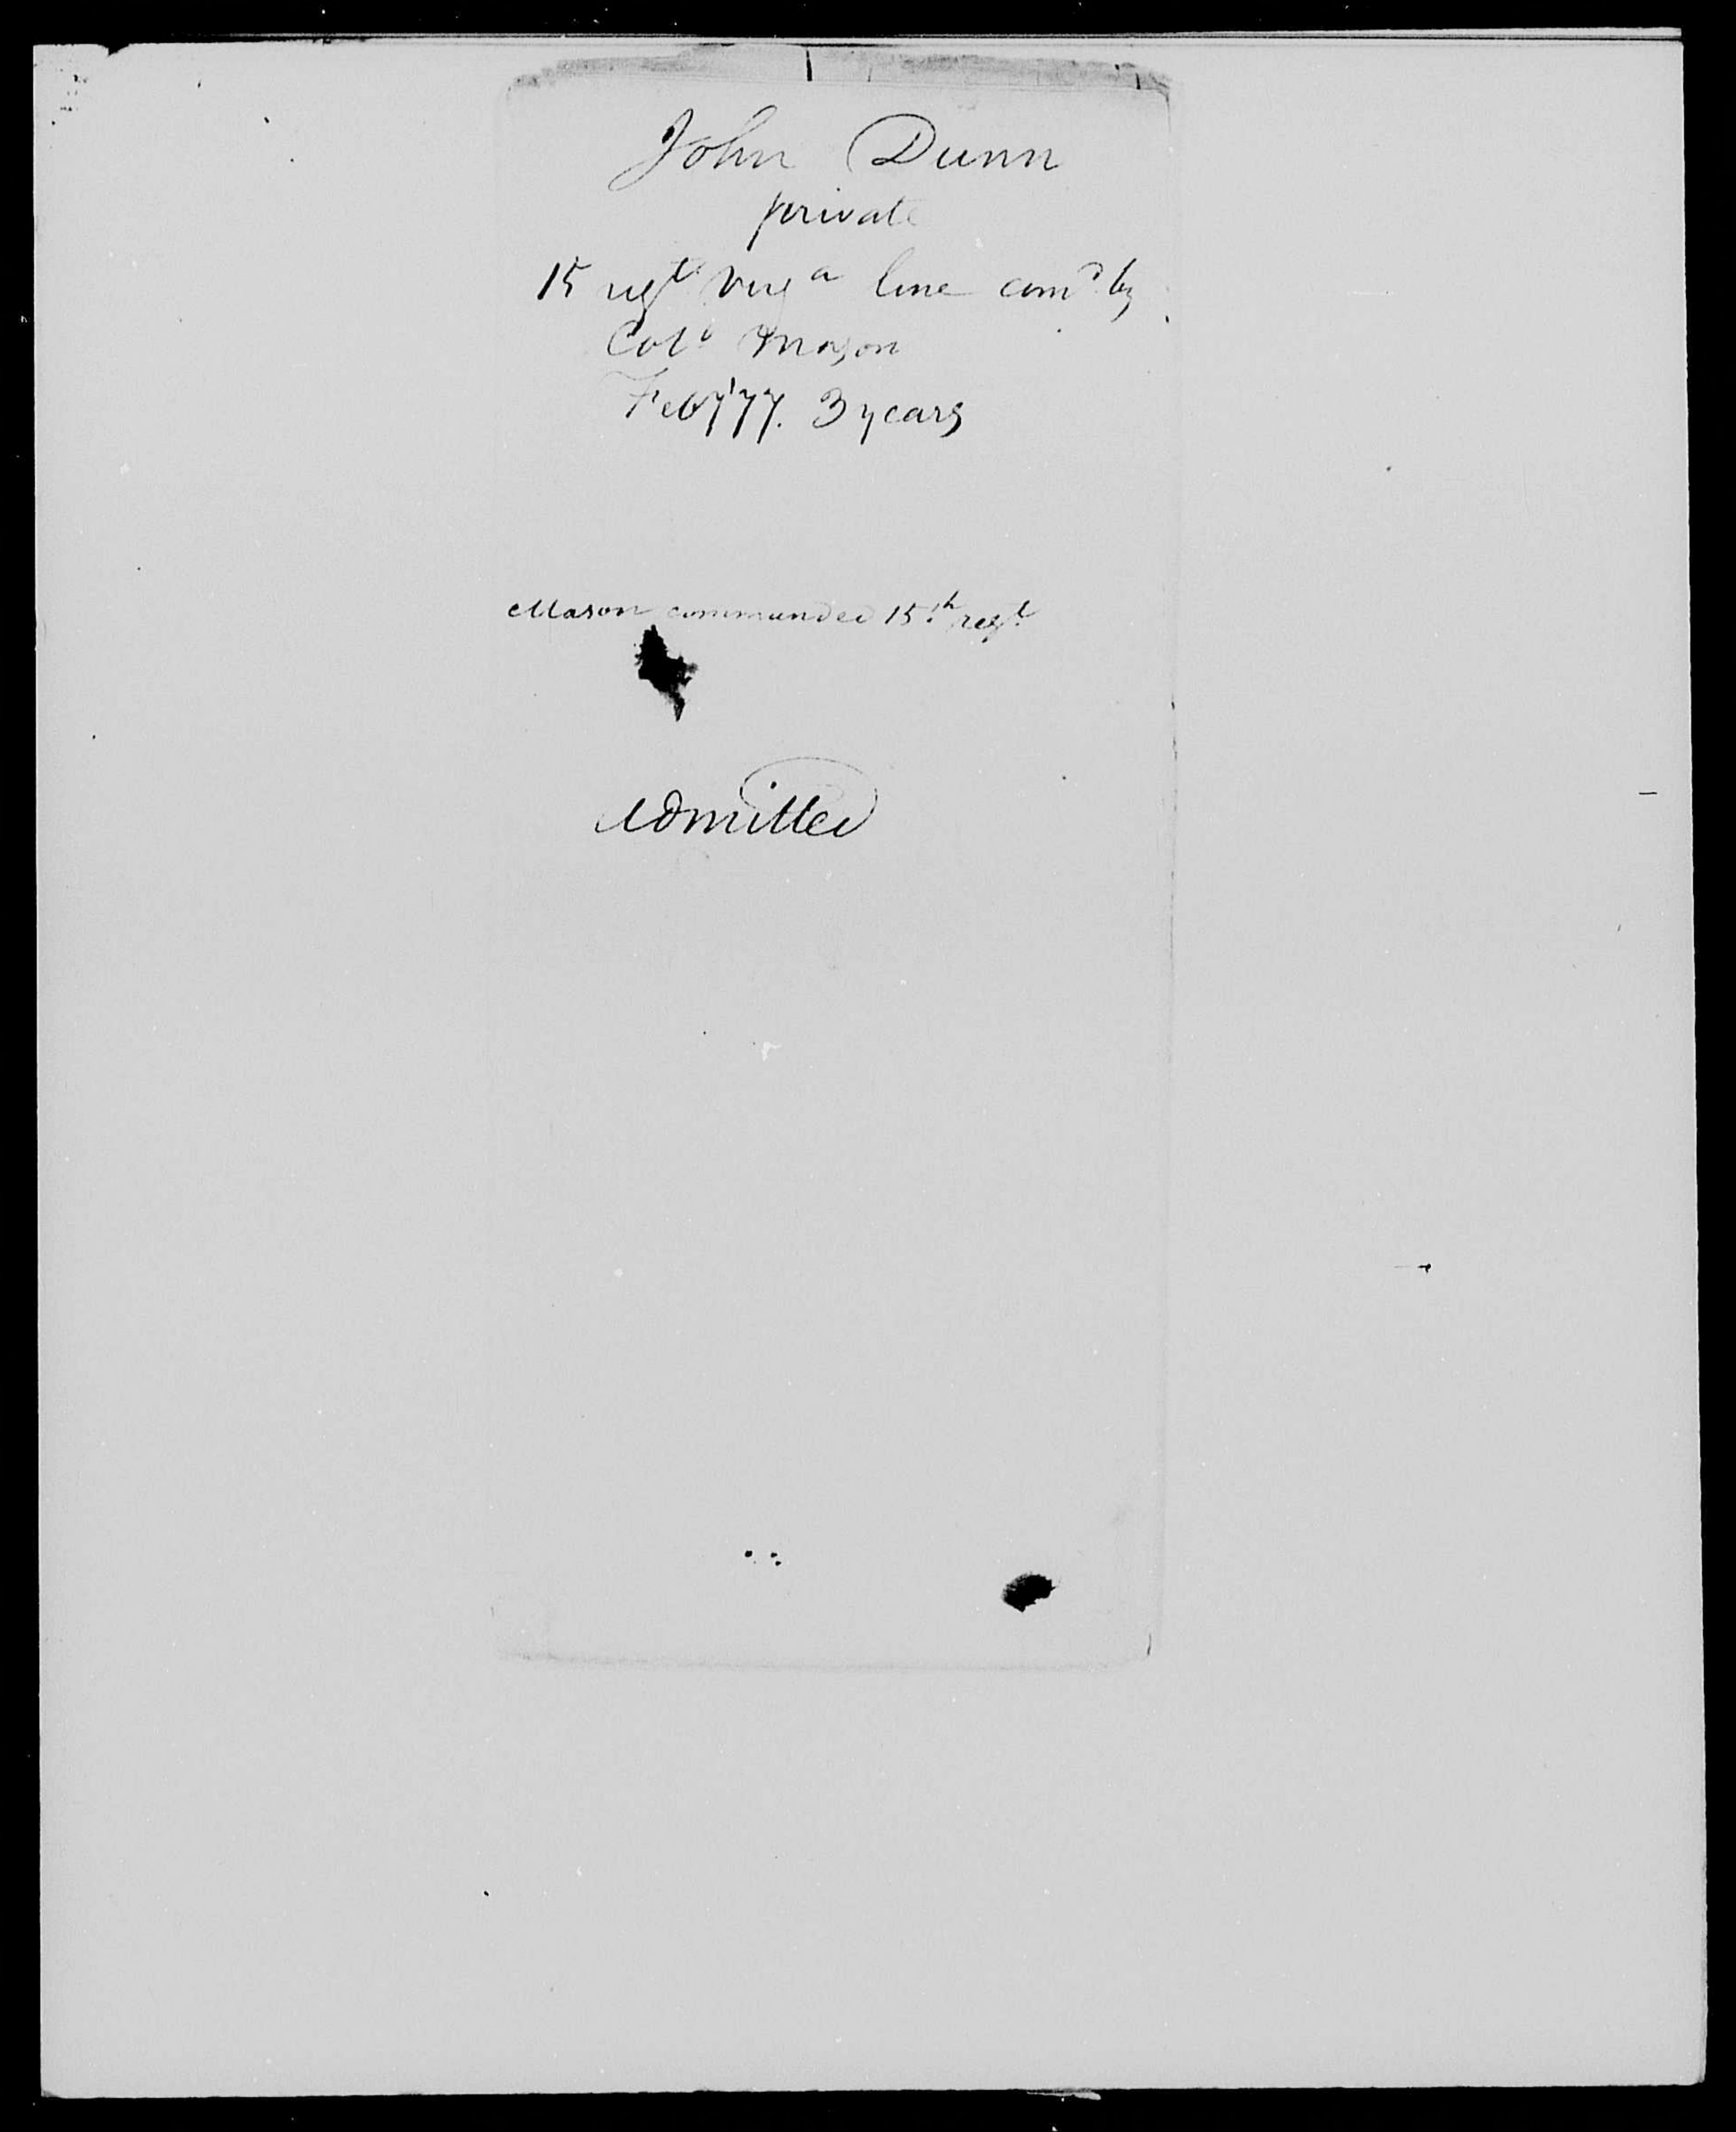John Dunn
private
15 regt Vira line comd by
Colo Mason
Feby 77. 3 years
Mason commanded 15th regt
WMiller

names: Mayon, John Dunn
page: 13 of 23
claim: survivor's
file: S 35903, John Dunn, Va.